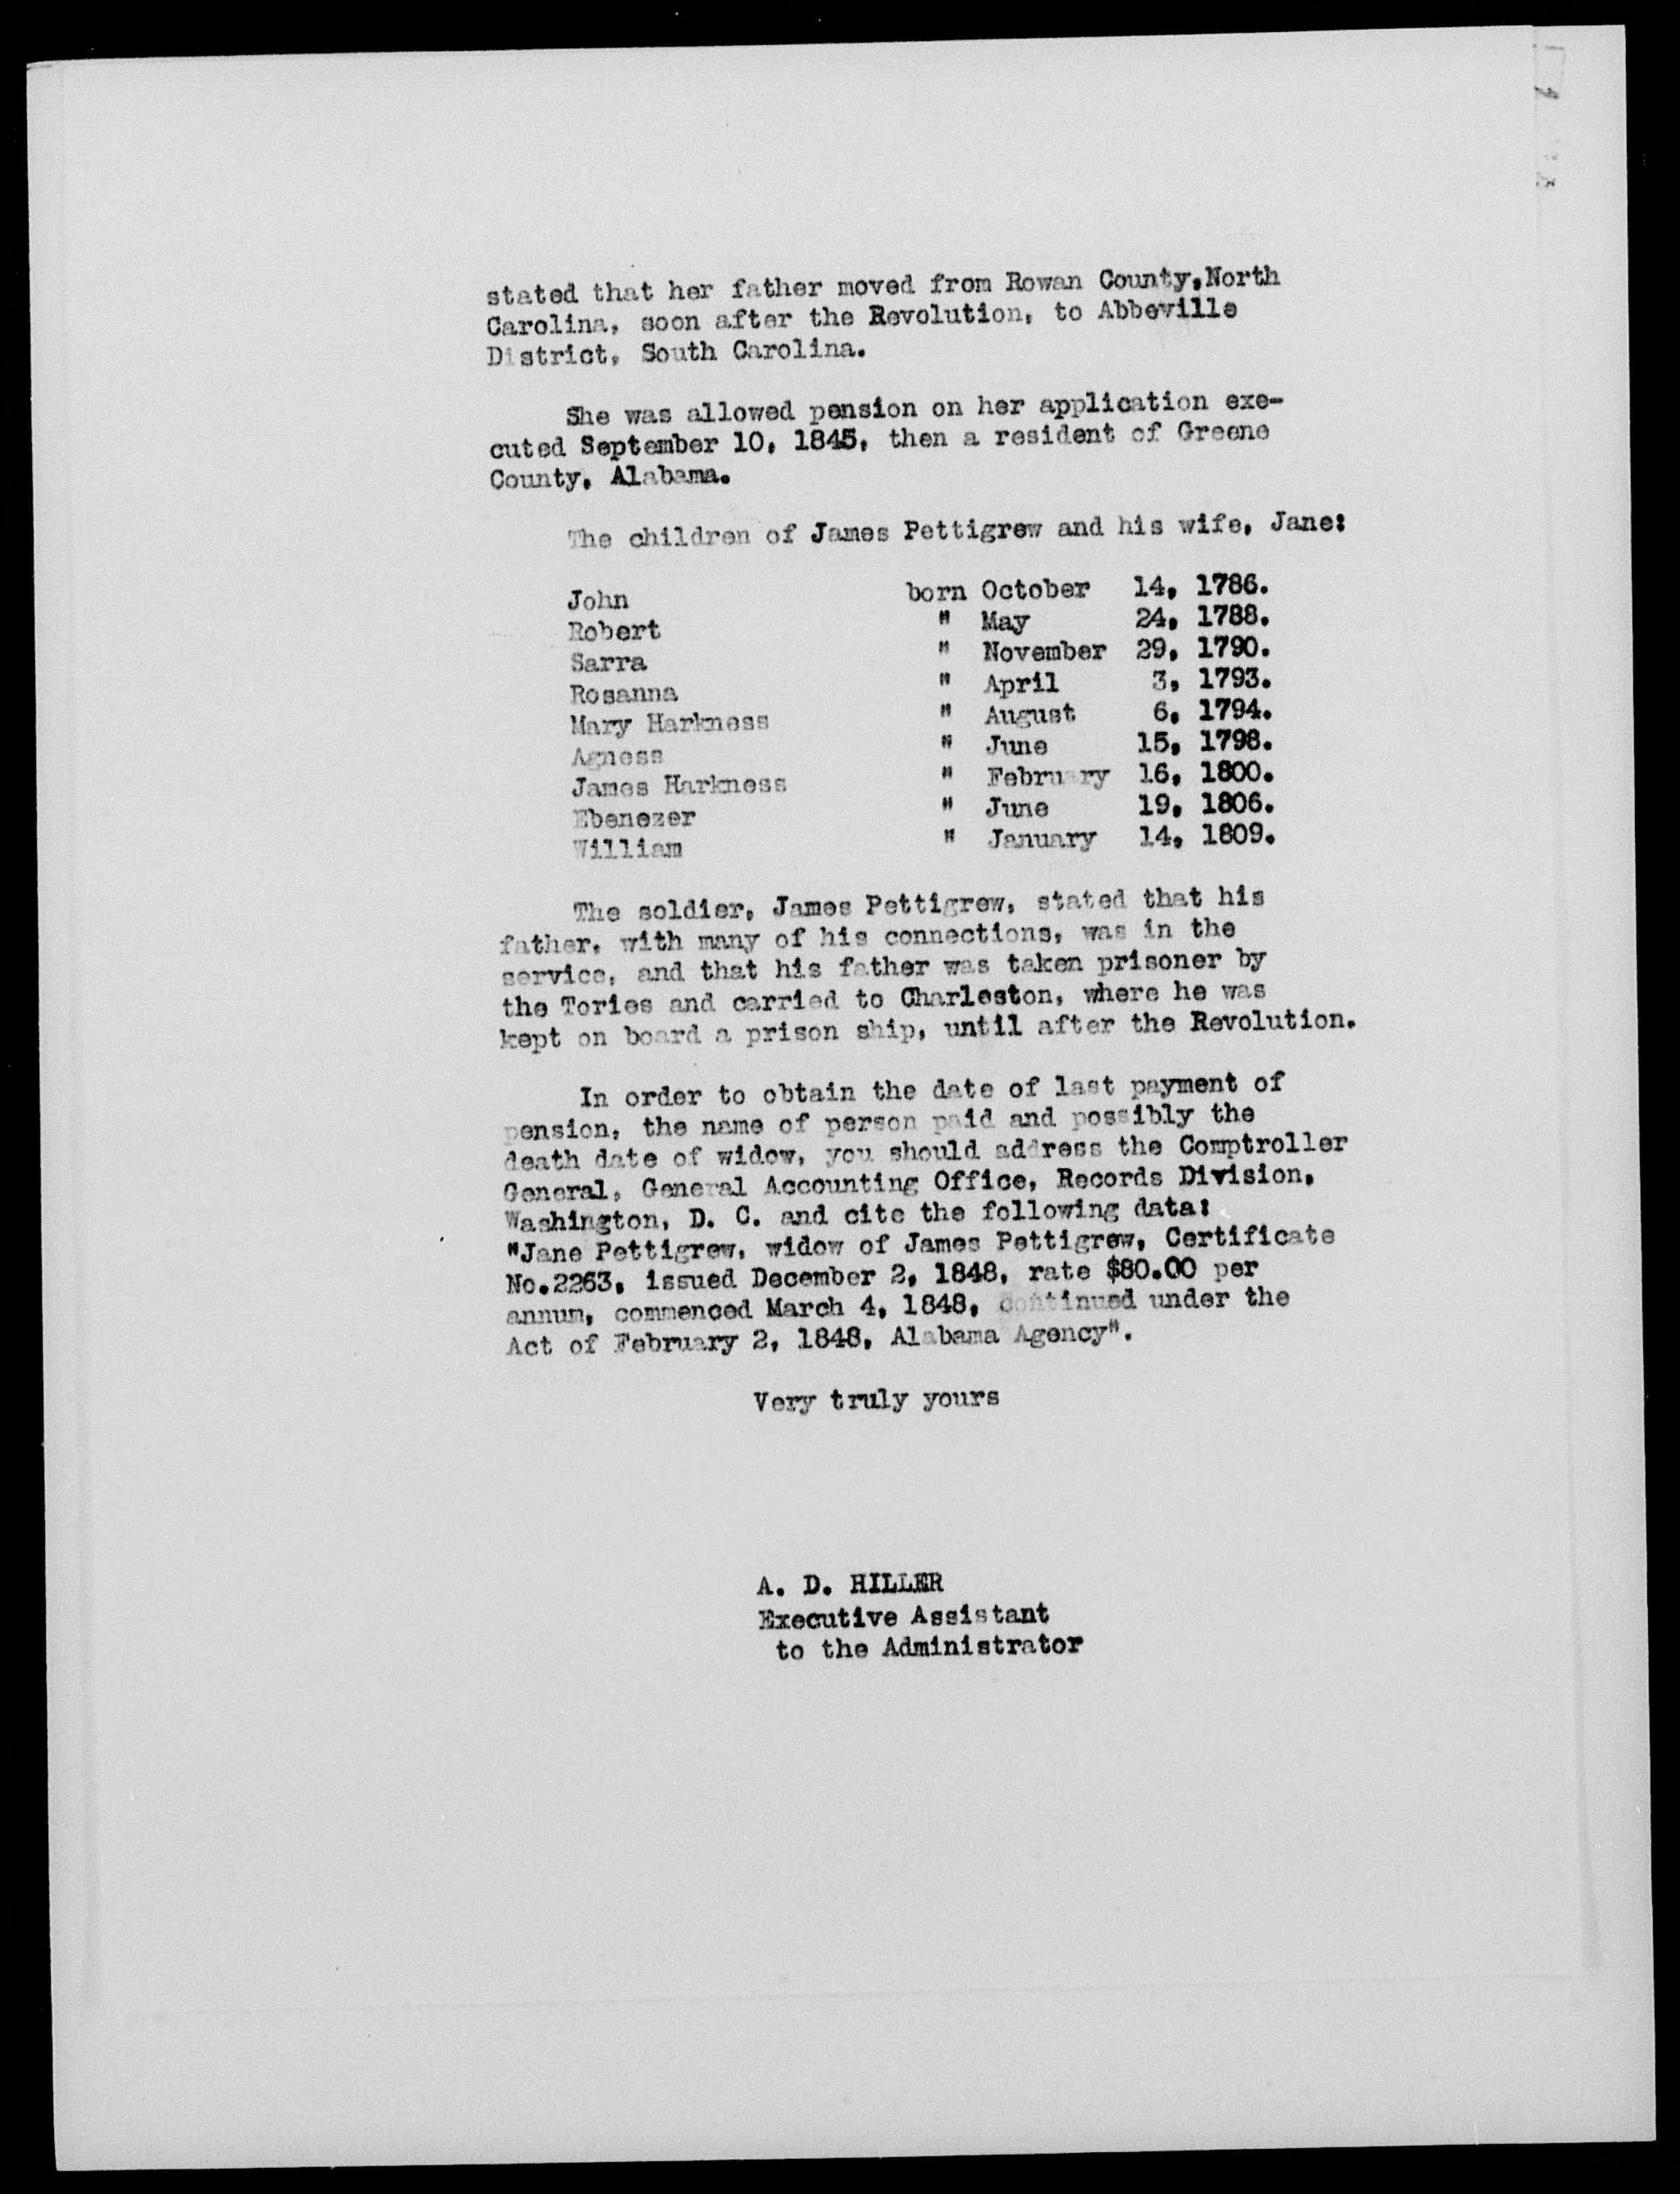stated that her father moved from Rowan County, North Carolina, soon after the Revolution, to Abbeville District, South Carolina.

She was allowed pension on her application executed September 10, 1845, then a resident of Greene County, Alabama.

The children of James Pettigrew and his wife, Jane:

John [Space] born October 14, 1786.
Robert [Space] " May 24, 1788.
Sarra [Space] " November 29, 1790.
Rosanna [Space] " April 3, 1793.
Mary Harkness [Space] " August 6, 1794.
Agness [Space] " June 15, 1798.
James Harkness [Space] " February 16, 1800.
Ebenezer [Space] " June 19, 1806.
William [Space] " January 14, 1809.

The soldier, James Pettigrew, stated that his father, with many of his connections, was in the service, and that his father was taken prisoner by the Tories and carried to Charleston, where he was kept on board a prison ship, until after the Revolution.

In order to obtain the date of last payment of pension, the name of person paid and possibly the death date of widow, you should address the comptroller General, General Accounting Office, Records Division, "Jane Pettigrew, widow of James Pettigrew, Certificate No.223, issued December 2, 1848, rate $80.00 per annum, commenced March 4, 1848, continued under the Act of February 2, 1848, Alabama Agency".

Very truly yours

A. D. HILLER
Executive Assistant
to the Administrator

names: Jane [BLANK]; A D Hiller; Mary Harkness; Ebenezer [BLANK]; William [BLANK]; Sarra [BLANK]; John [BLANK]; Rosanna [BLANK]; James Harkness; Agness [BLANK]; Robert [BLANK]; James Pettigrew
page: 27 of 92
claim: widow's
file: W. 5522, for James Pettigrew, South Carolina